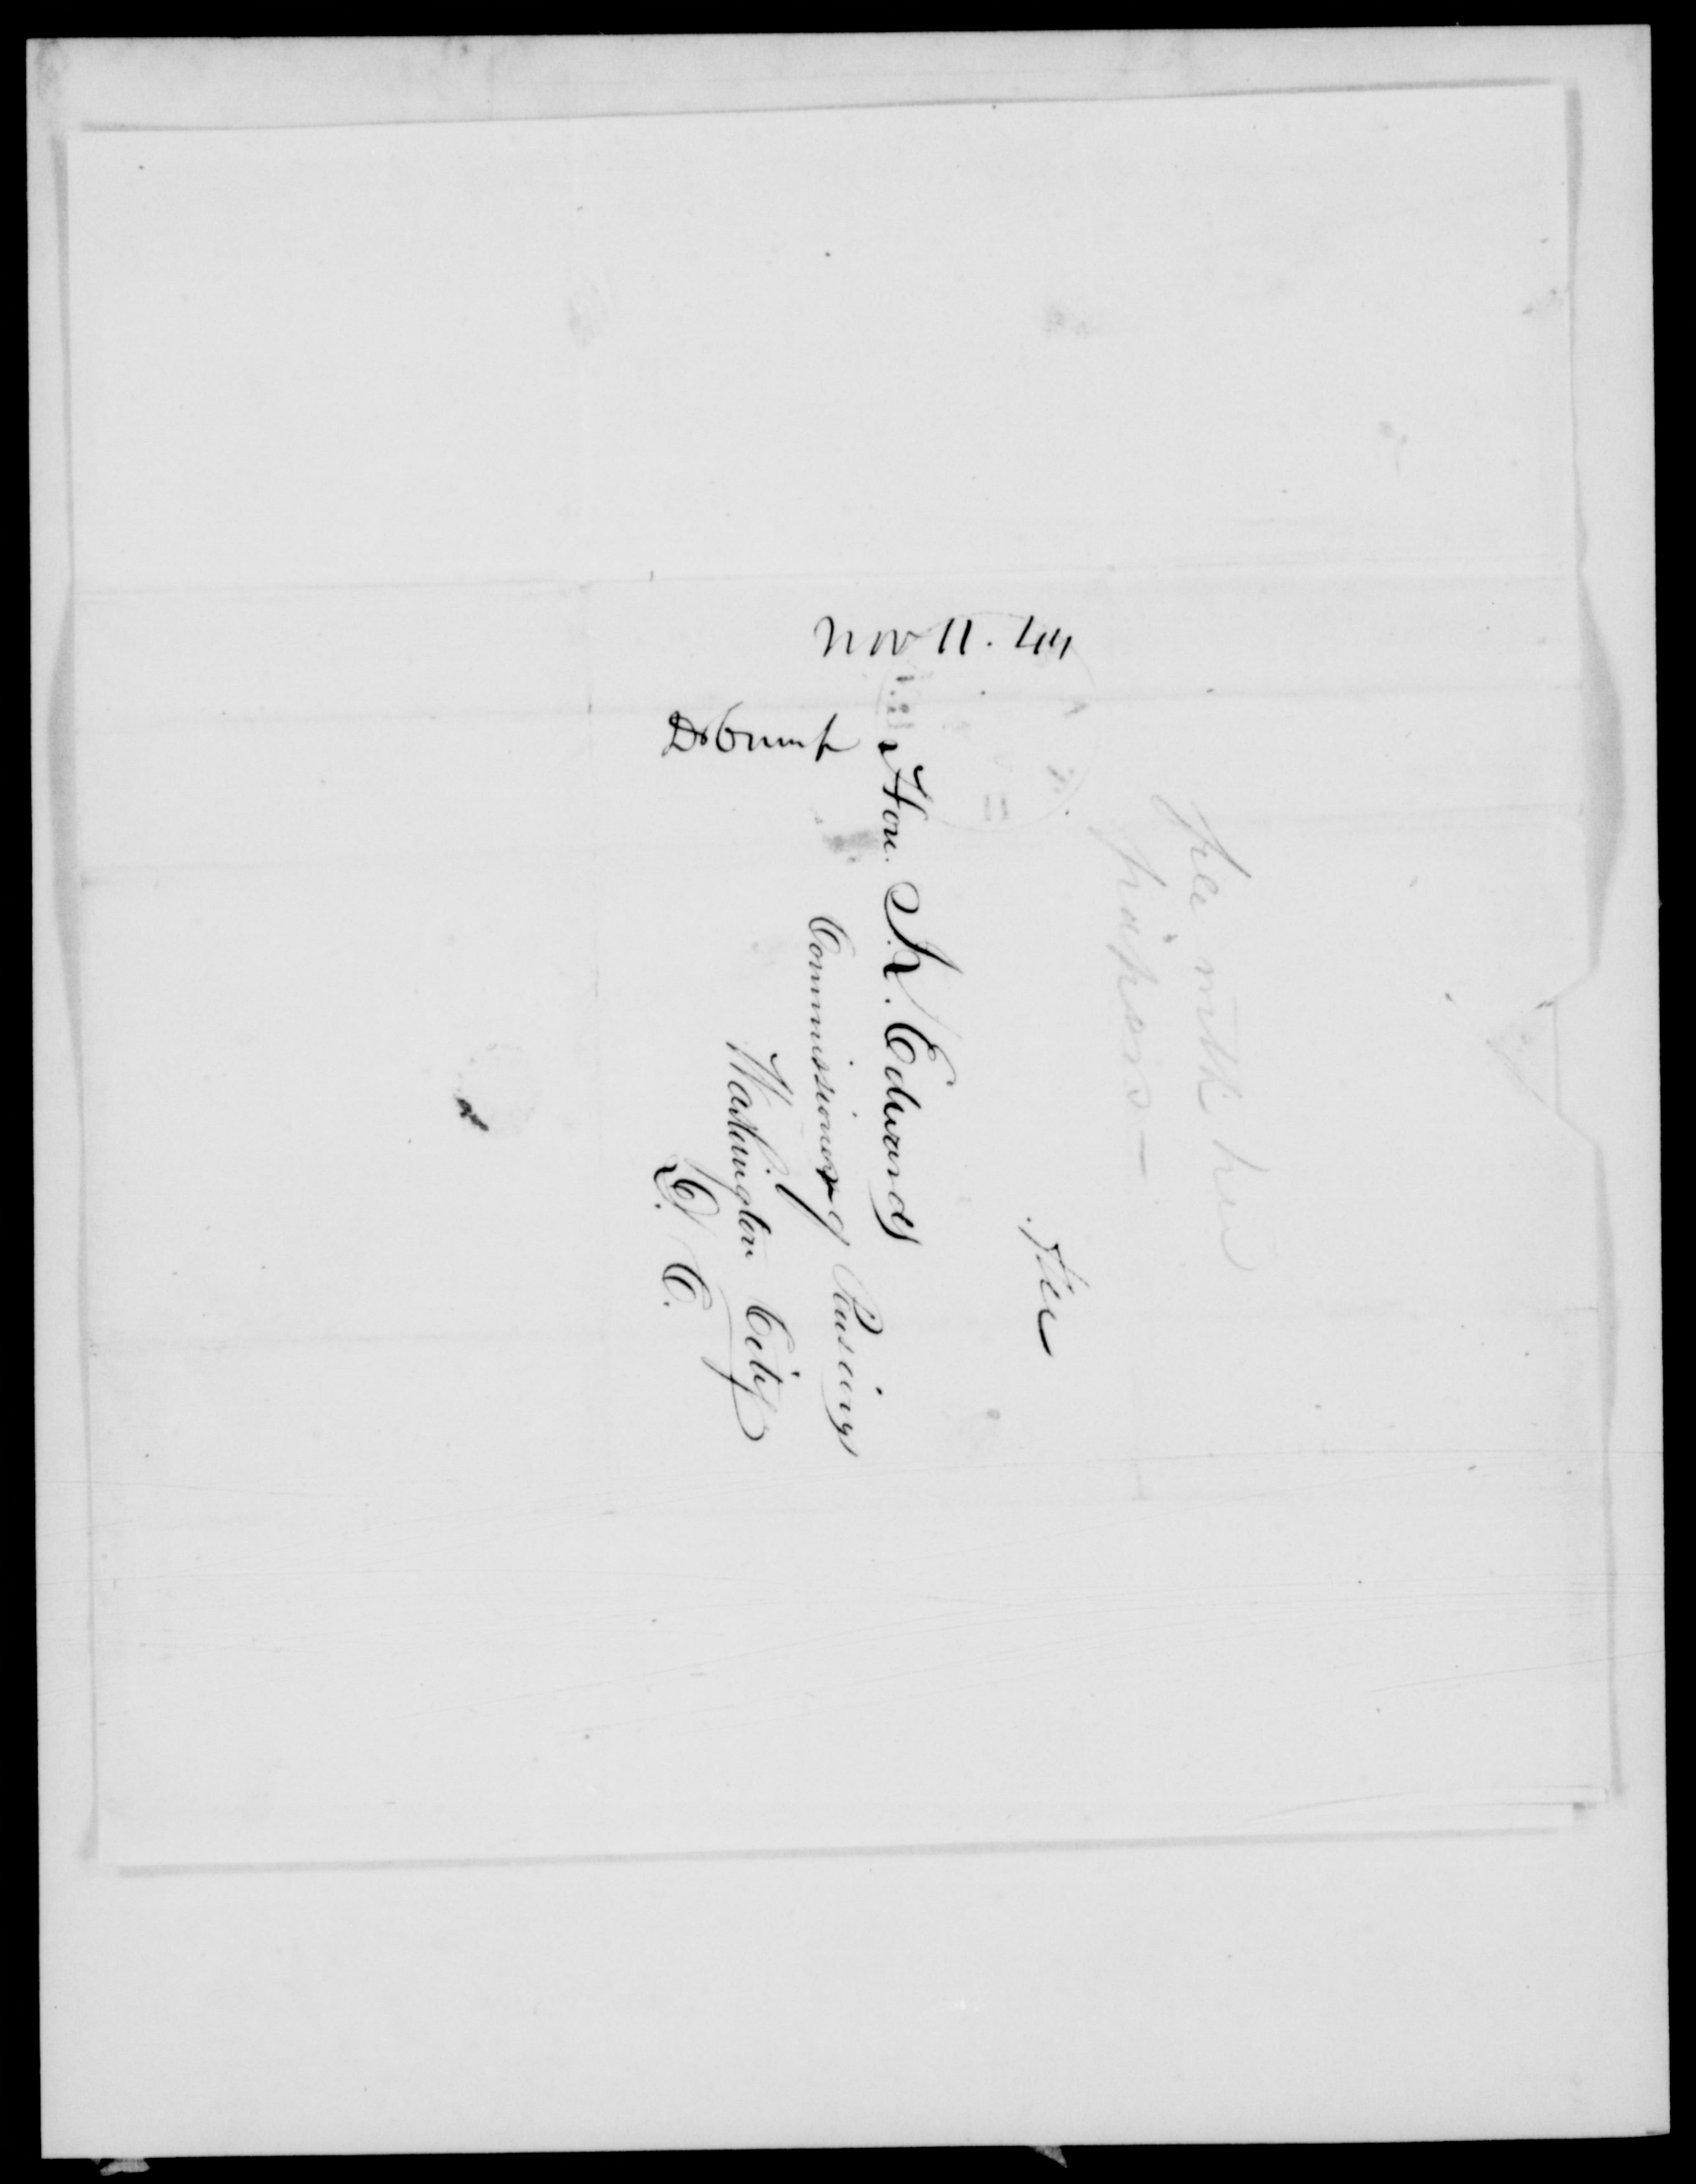Nov 11.44
Dr. G[unintelligible]
file with her papers
Hon. A. Edwards
Commissioner of Pensions
Washington City D.C.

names: Crump, J L Edwards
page: 40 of 78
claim: widow's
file: W. 25856, Samuel Way, N.H.